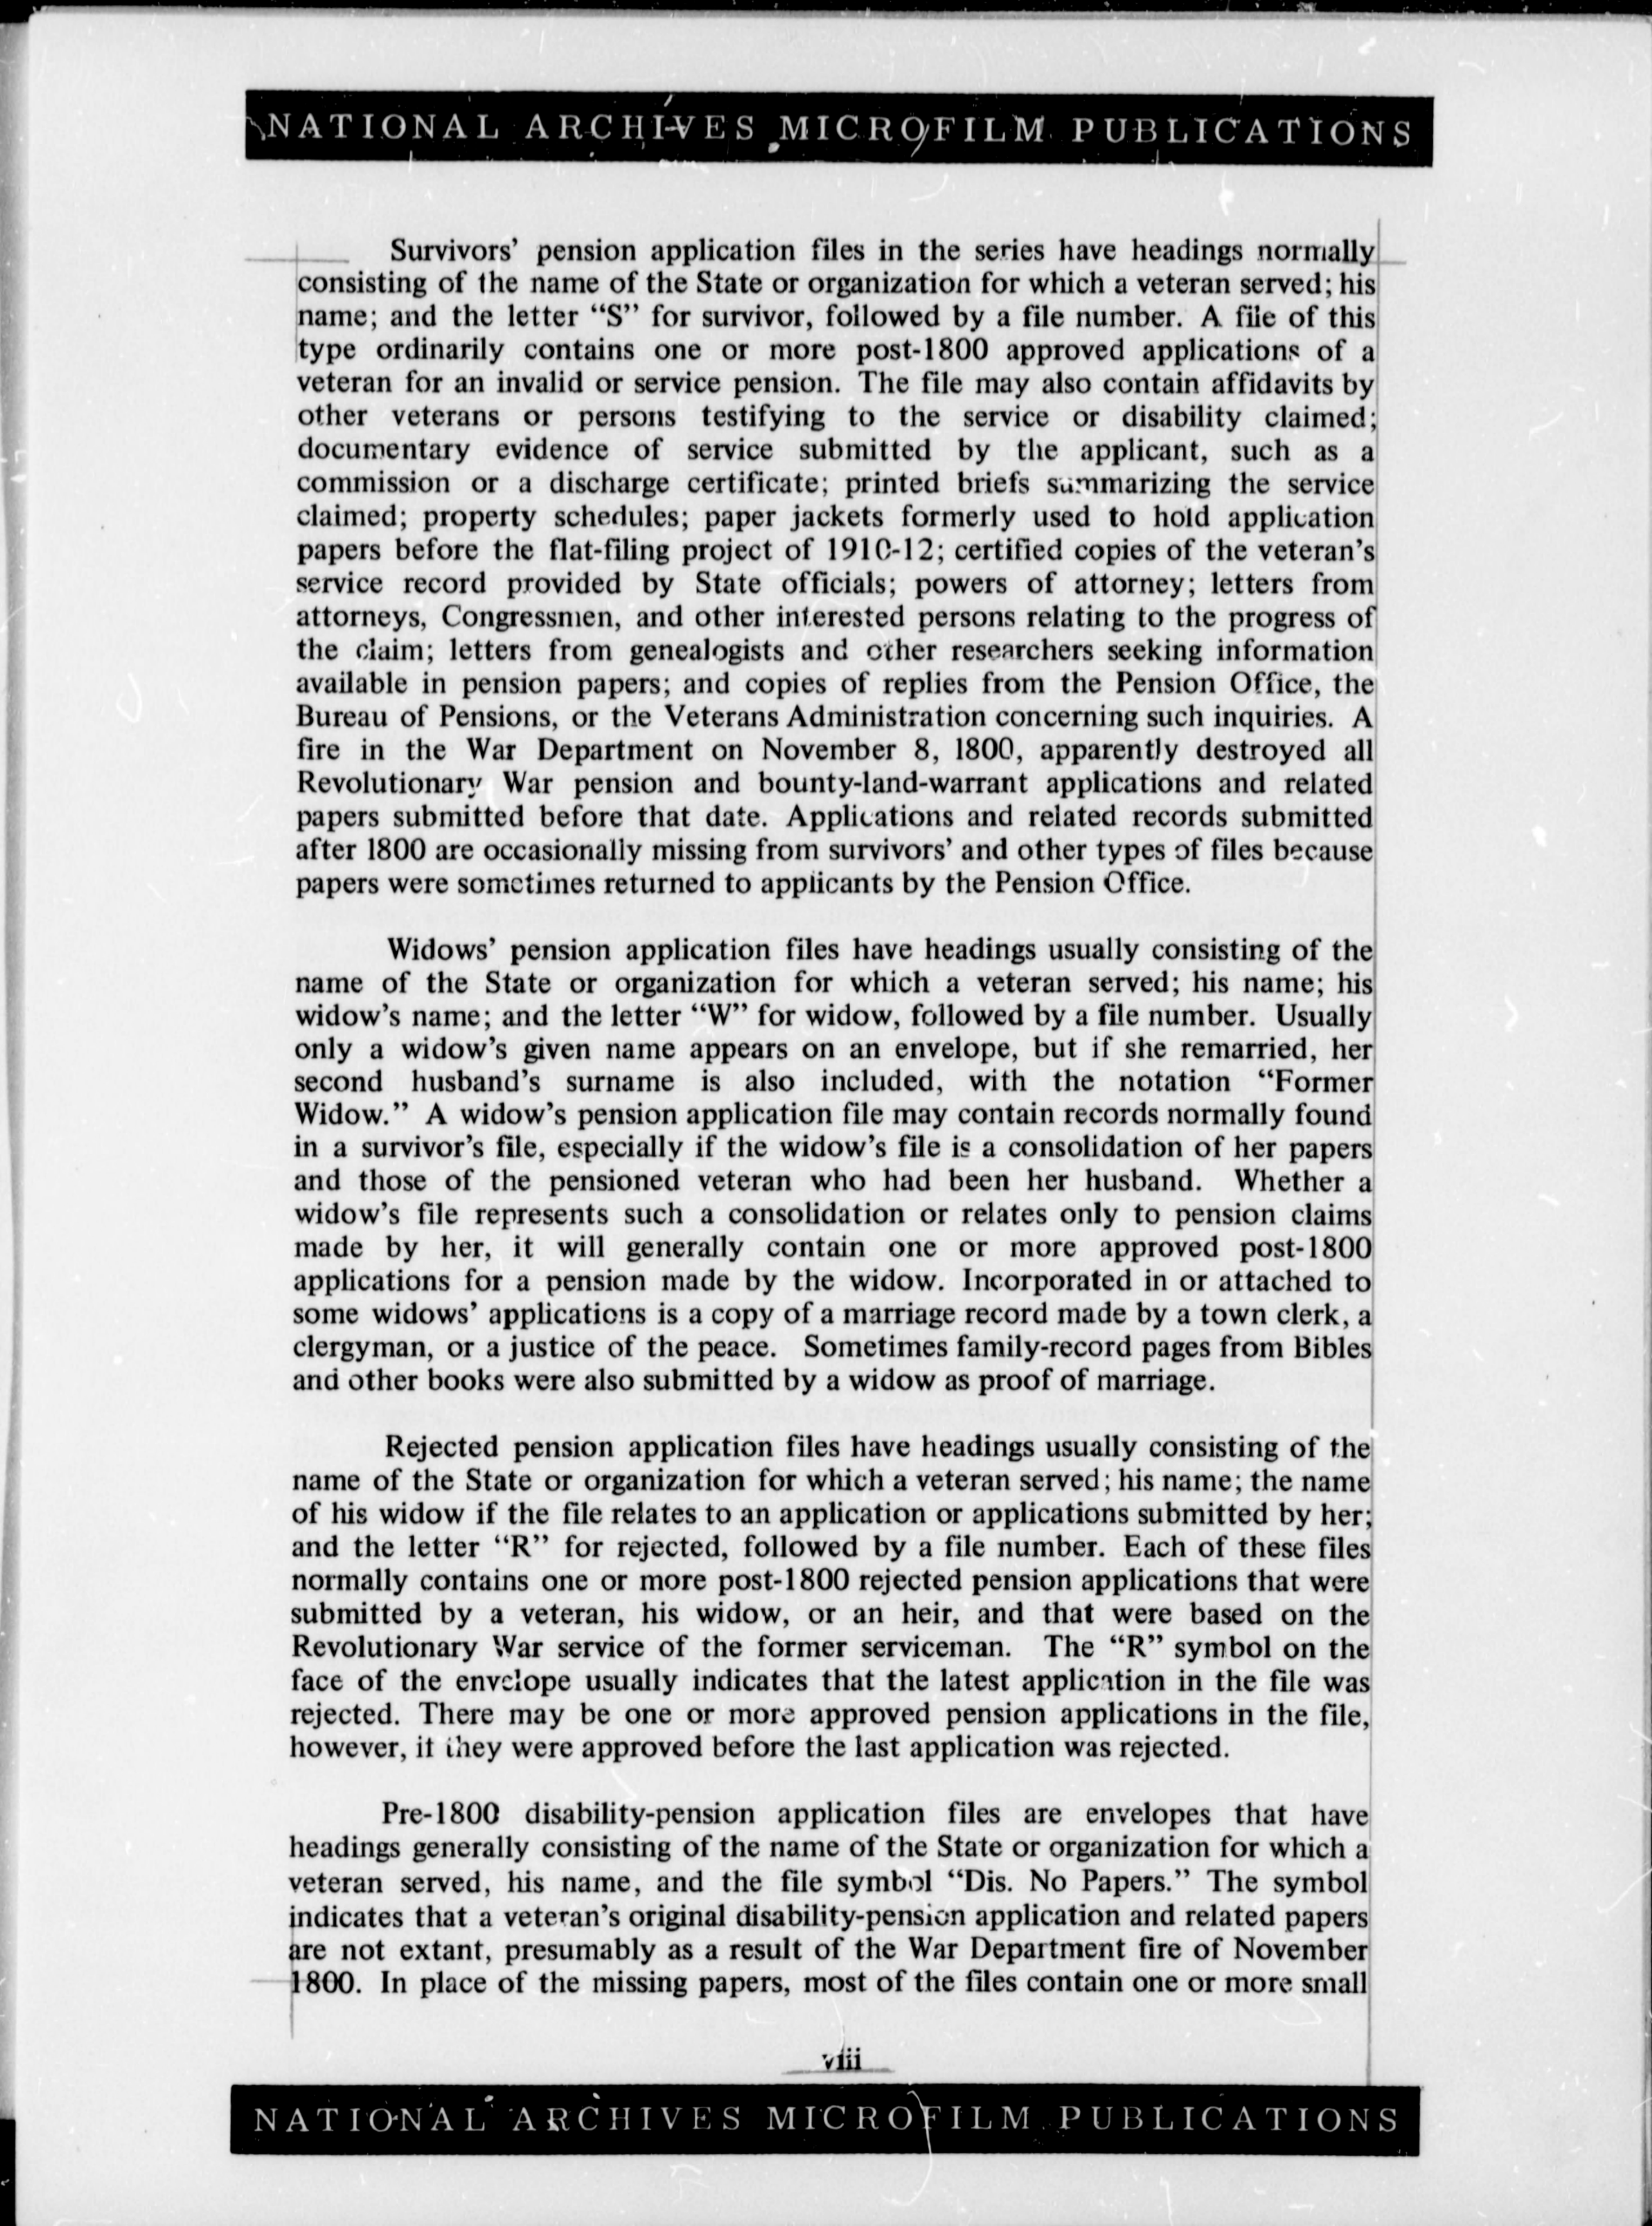NATIONAL ARCHIVES MICROFILM PUBLICATIONS

Survivors' pension application files in the series have headings normally consisting of the name of the State or organization for which a veteran served; his name; and the letter "S" for survivor, followed by a file number. A file of this type ordinarily contains one or more post-1800 approved applications of a veteran for an invalid or service pension. The file may also contain affidavits by other veterans or persons testifying to the service or disability claimed; documentary evidence of service submitted by the applicant, such as a commission or a discharge certificate; printed briefs summarizing the service claimed; property schedules; paper jackets formerly used to hold application papers before the flat-filing project of 1910-12; certified copies of the veteran's service record provided by State officials; power of attorney; letters from attorneys, Congressmen, and other interested persons relating to the progress of the claim; letters from genealogists and other researchers seeking information available in pension papers; and copies of replies for the Pension Office, the Bureau of Pensions, or the Veterans administration concerning such inquiries. A fire in the War Department on November 8, 1800, apparently destroyed all Revolutionary War pension and bounty-land-warrant applications and related papers submitted before that date. Applications and related records submitted after 1800 are occasionally missing from survivors' and other types of files because papers were sometimes returned to applicants by the Pension Office.

Widows' pension application files have headings usually consisting of the name of the State or organization for which a veteran served; his name; his widow's name; and the letter "W" for widow, followed by a file number. Usually only a widow's given name appears on an envelope, but if she remarried, her second husband's surname is also included, with the notation "Former Widow." A widow's pension application file may contain records normally found in a survivor's file, especially if the widow's file is a consolidation of her papers and those of the pensioned veteran who had been her husband. Whether a widow's file represents a such a consolidation or relates only to pension claims made by her, it will generally contain one or more approved post-1800 applications for a pension made by the widow. Incorporated in or attached to some widow's applications is a copy of a marriage record made by a town clerk, a clergyman, or justice of the peace. Sometimes family-record pages from Bibles and other books were also submitted by a widow as proof of marriage.

Rejected pension application files have headings usually consisting of the name of the State or organization for which a veteran served; his name; the name of his widow if the file relates to an application or applications submitted by her; and the letter "R" for rejected, followed by a file number. Each of these files normally contains one or more post-1800 rejected pension applications that were submitted by a veteran, his widow, or an heir, and that were based on the Revolutionary War service of the former serviceman. The "R" symbol on the face of the envelope usually indicates that the latest application in the file was rejected. 

Pre-1800 disability pension application files are envelopes that have headings generally consisting of the name of the State or organization for which a veteran served, his name, and the file symbol "Dis. No Papers." The symbol indicates that a veteran's original disability-pension application and related papers are not extant, presumably as a result of the War Department fire of November 1800. In place of the missing papers, most of the files contain one or more small 

NATIONAL ARCHIVES MICROFILM PUBLICATIONS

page: 8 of 61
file: Revolutionary War Pension and Bounty Land Warrant Application File